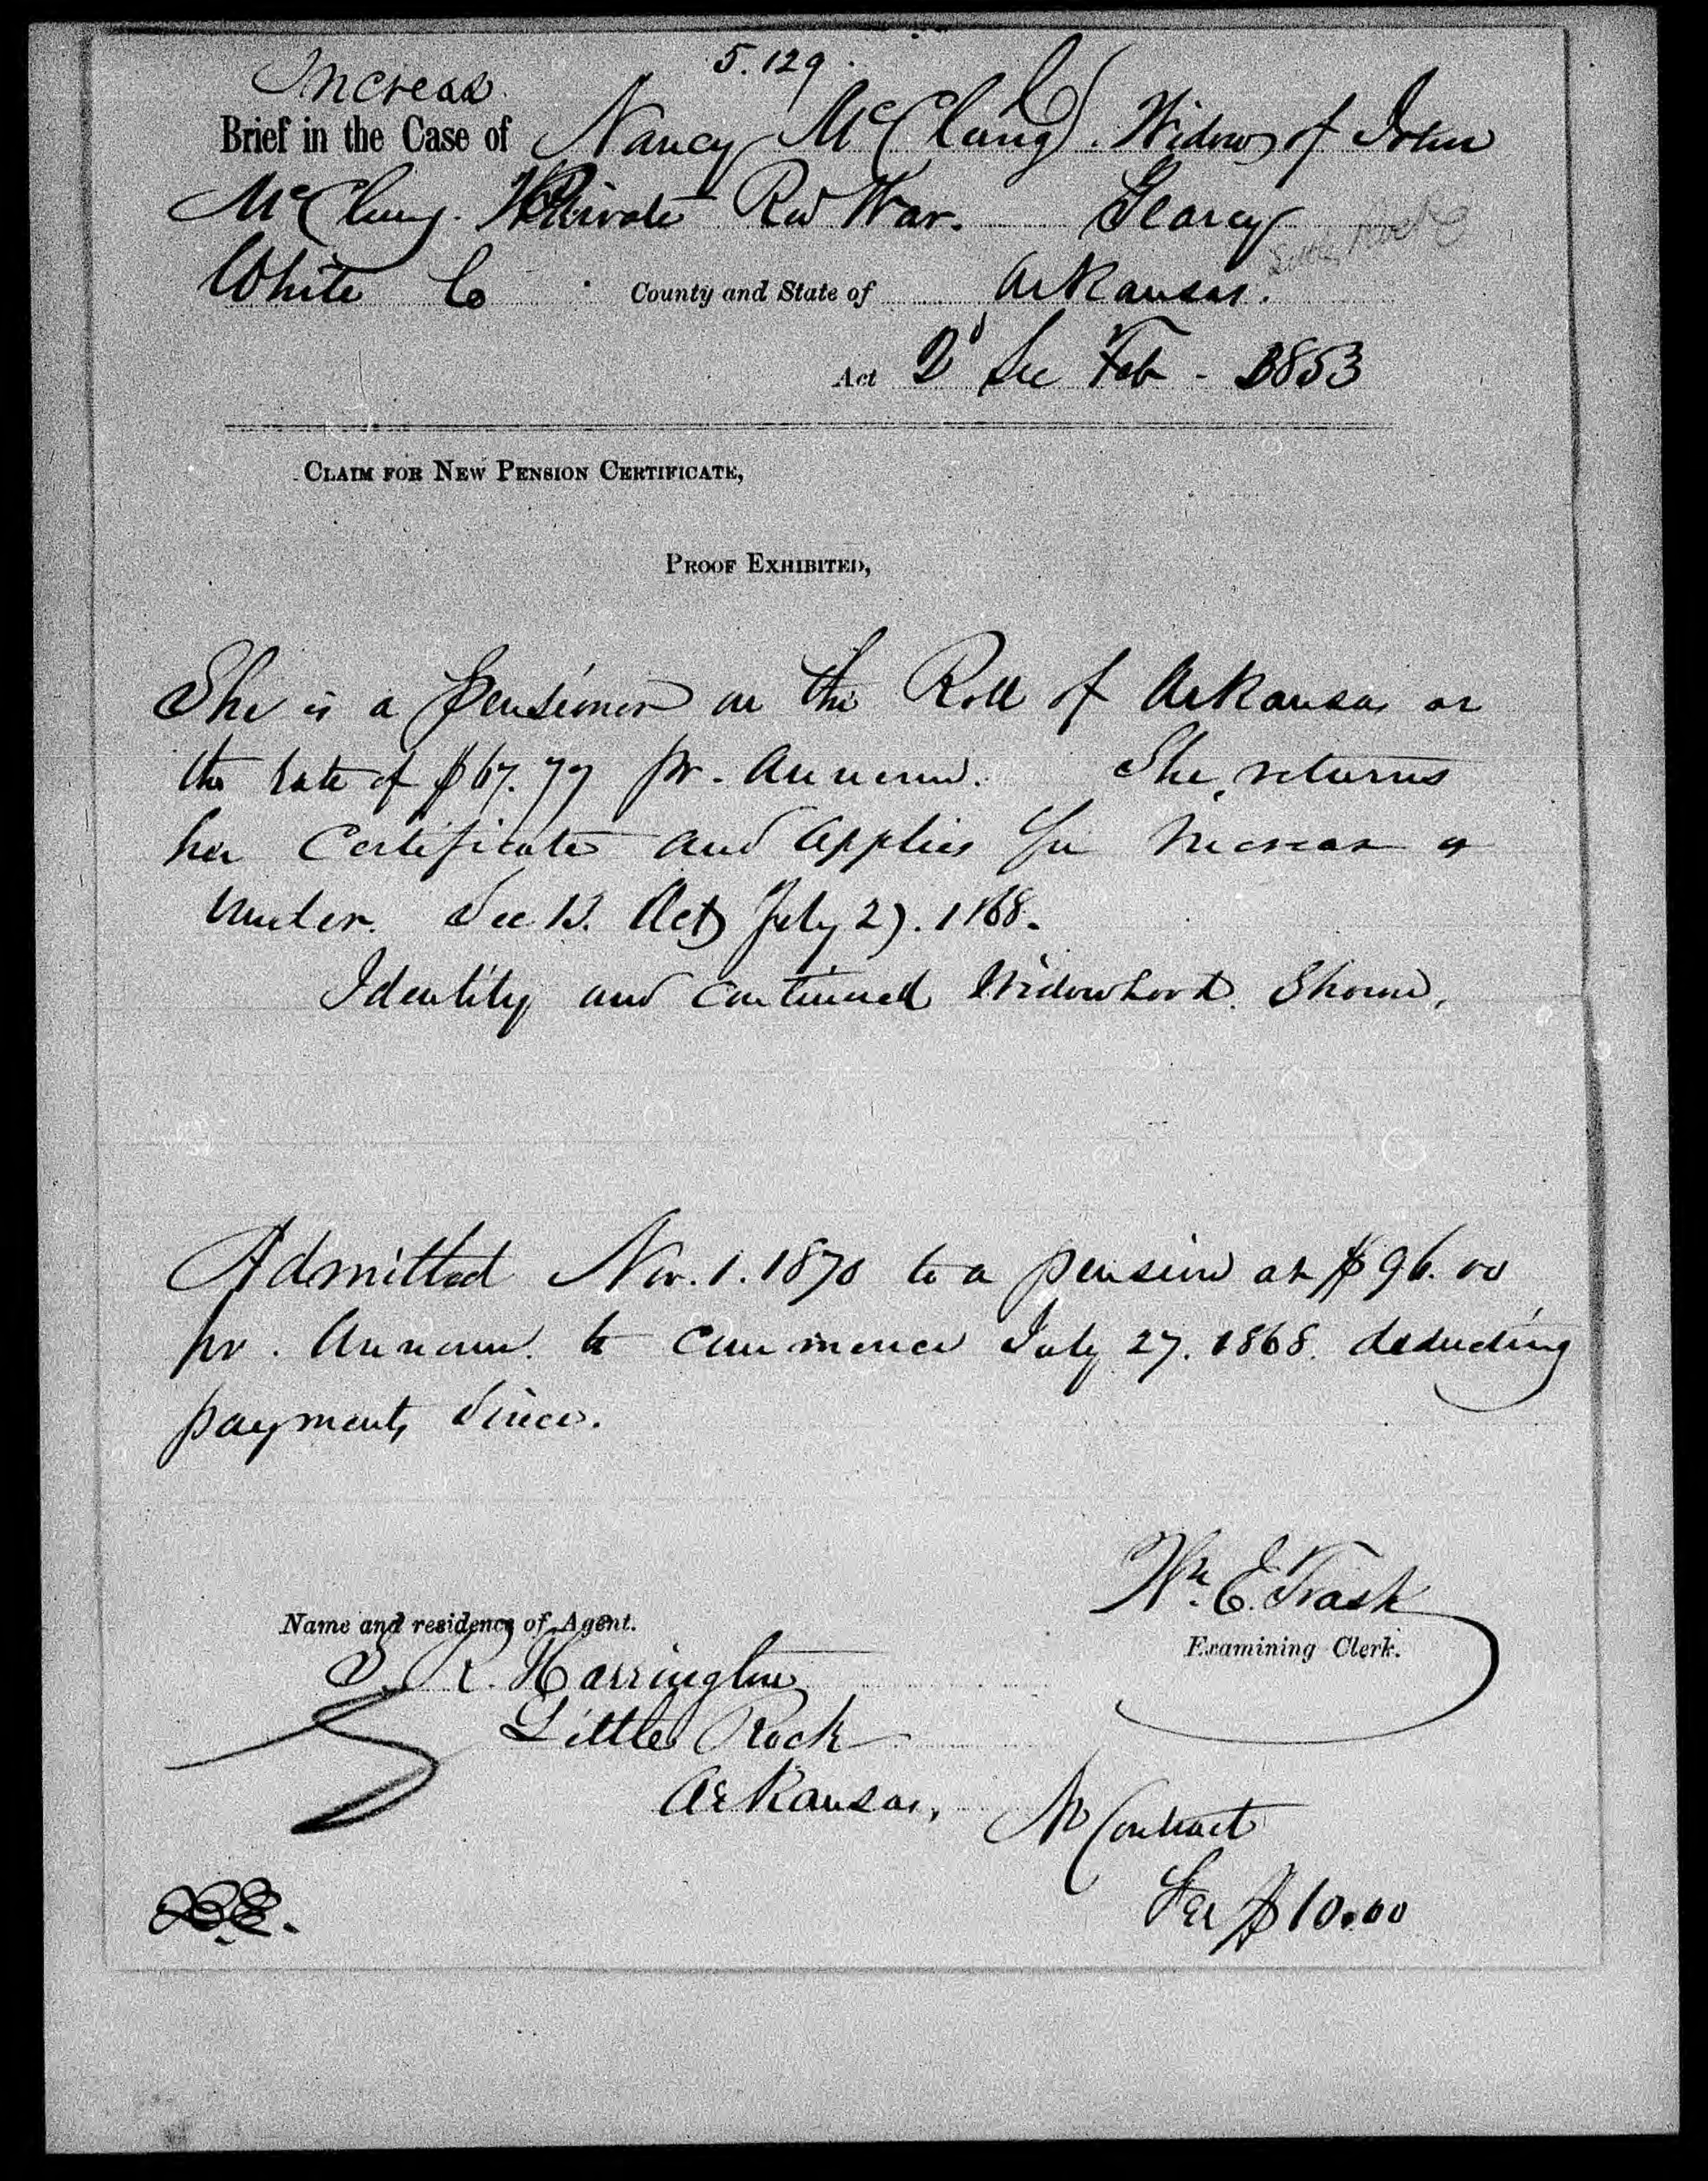Increase 5129
Brief in the case of Nancy McClung Widow of John McClung private Rev War Searcy White Co
County and State of Arkansas
Act 2d Sec Feb 1853

CLAIM FOR NEW PENSION CERTIFICATE,
PROOF ExHIBITED,
She is a pensioner on the Roll of Arkansas or the rate of $67.77 Pr. Annum. She returns her certificate and applies for increase under Sec B. Act July 27. 1868

Identity and continued Widowhood Shorn,

Admitted Nov 1. 1870 to a pension at $96.00 per annum to commence July 27, 1868 deducting
Payments since.

Wm C. Trask
Examining Clerk.

Names and Residence of Agent
S R Harrington
Little Rock
Arkansas

No Contract
Fee $10.00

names: Fer A Wood; John Mc Clung; S R Harrington; Wm E Trask; Nancy Mc Clung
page: 63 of 115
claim: widow's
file: W. 1446, for John Mc Clung, South Carolina